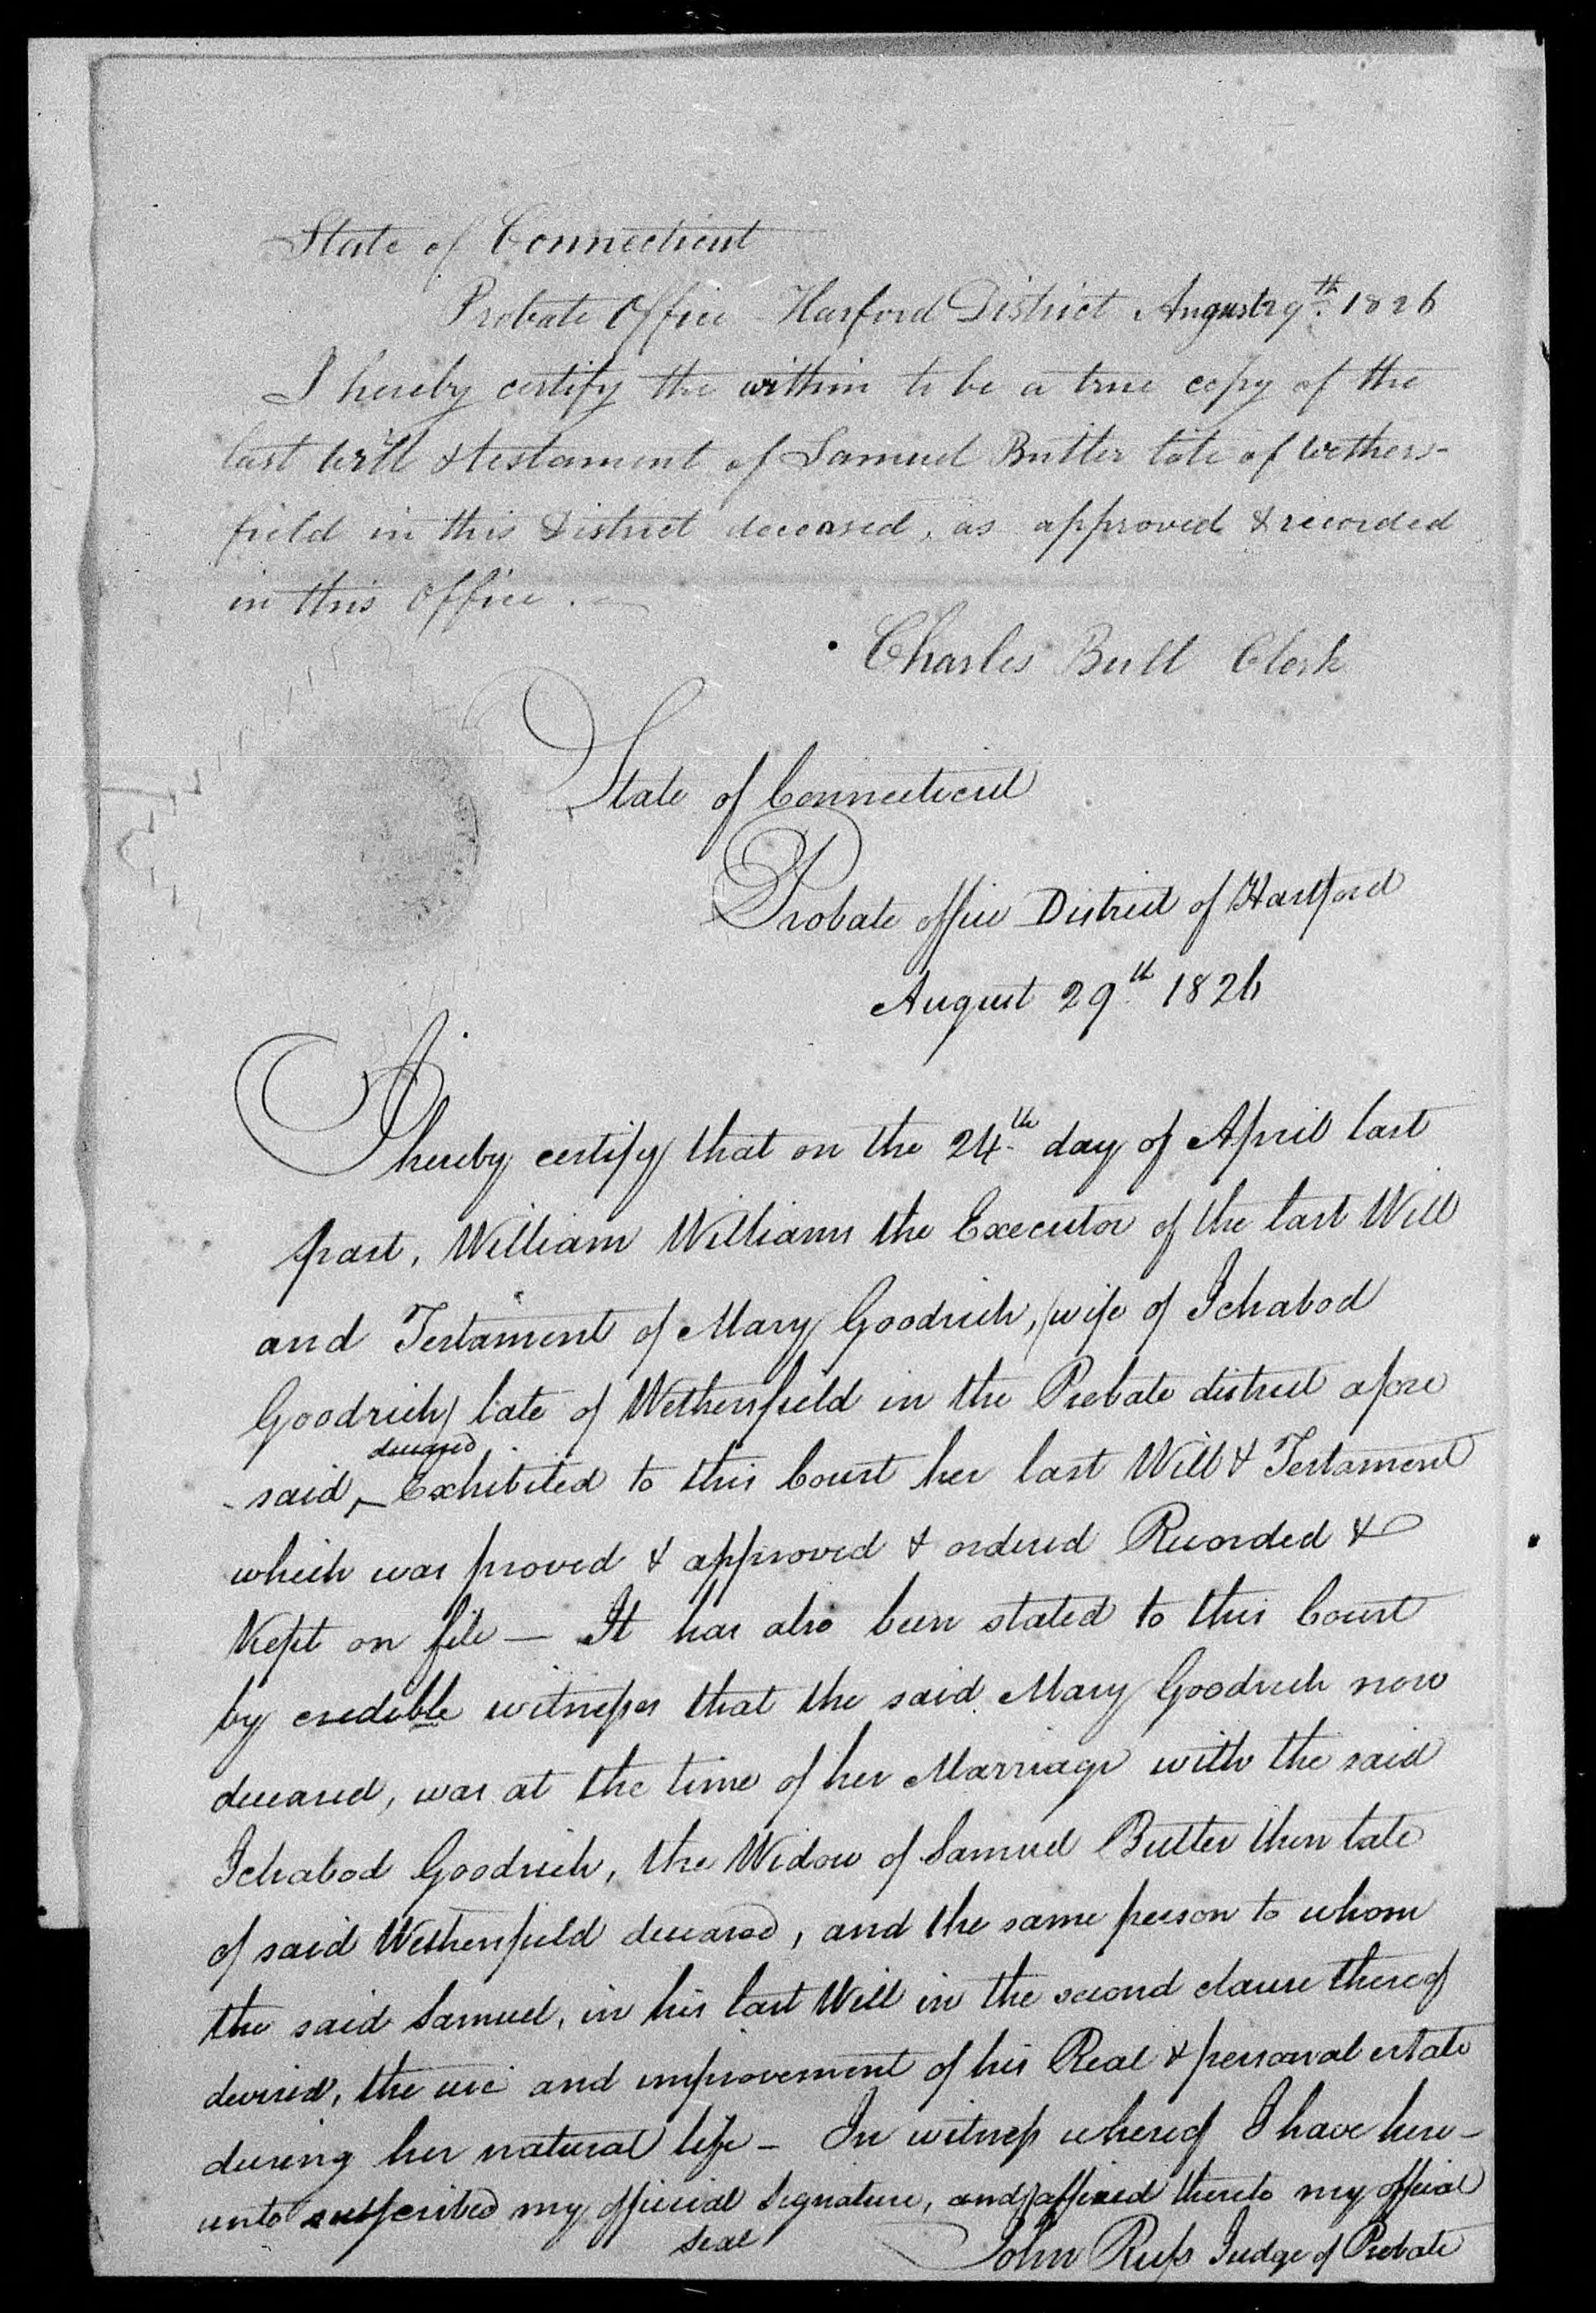State of Connecticut
Probate Office Hartford District August 29th 1826
I hereby certify the within to be a true copy of the last will & testament of Samuel Butler late of Wethersfield in the District deceased, as approved & recorded in this office.
Charles Bull Clerk

State of Connecticut
Probate office District of Hartford
August 29th 1826

I hereby certify that on the 24th day of April last April, William Williams the Executor of the last Will and Testament of Mary Goodrich, wife of Ichabod Goodrich late of Wethersfield in the Probate district aforesaid deceased exhibited to this Court her last Will & Testament which was proved & approved & ordered Recorded & kept on file p It has also been stated to this Court by credible witnesses that the said Mary Goodrich now deceased, was at the time of her marriage with the said Ichabod Goodrich, the widow of Samuel Butler then late of said Wethersfield deceased, and the same person to whom the said Samuel, in his last will in the second clause thereof decried the use and improvement of his Real & person estate during her natural life. In witness whereof I have hereunto subscribed my official signature, and affixed thereto my official seal
John Russ Judge of Probate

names: Mary Goodrich, Samuel Butler, Mary Goodrich, Samuel, Ichabod Goodrich, Ichabod Goodrich, John Russ, William Williams, Charles Bull, Samuel Butler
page: 10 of 46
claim: survivor's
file: S. 36,556, Ichabod Goodrich, Conn.